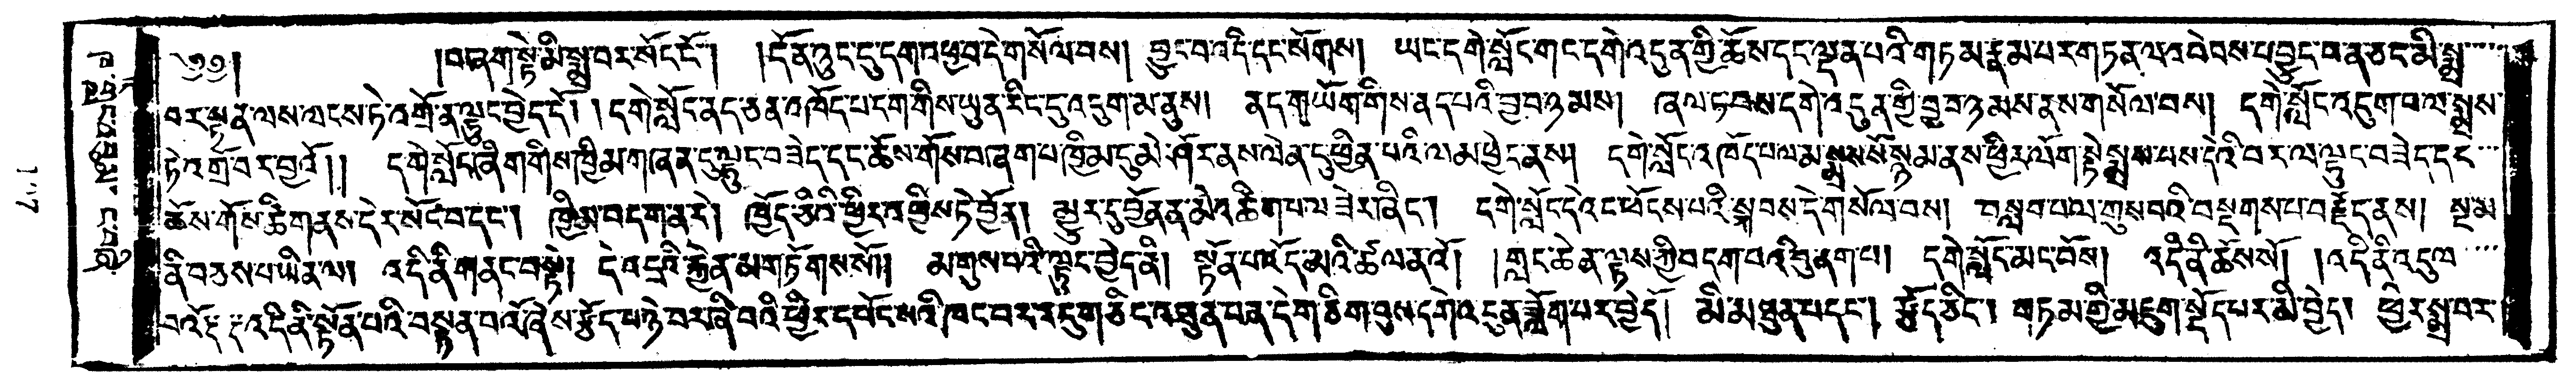༄༅། །བཞག་སྟེ་མི་སྨྲ་བར་སོང་ངོ། །དོན་ཉུང་དུ་དག་འཕྱ་བ་དེ་གསོལ་བས། བྱུང་བ་འདི་དང་སོགས། ཡང་དགེ་སློང་གང་དགེ་འདུན་གྱི་ཆོས་དང་ལྡན་པའི་གཏམ་རྣམ་པར་གཏན་ལ་འབེབས་པ་བྱུང་བ་ན་ཅང་མི་སྨྲ་
བར་སྟན་ལས་ལངས་ཏེ་འགྲོ་ན་ལྟུང་བྱེད་དོ། །དགེ་སློང་ནད་ཅན་འཁོད་པ་དག་གིས་ཡུན་རིང་དུ་འདུག་མ་ནུས། ནད་གཡོག་གིས་ནད་པའི་བྱ་བ་ཉམས། ཞལ་ཏ་བས་དགེ་འདུན་གྱི་བྱ་བ་ཉམས་ནས་གསོལ་བས། དགེ་སློང་འདུག་བ་ལ་སྨྲས་
ཏེ་འགྲོ་བར་བྱའོ།། དགེ་སློང་ཞིག་གིས་ཁྱིམ་གཞན་དུ་ལྷུང་བཟེད་དང་ཆོས་གོས་བཞག་པ་ཁྱིམ་དུ་མེ་ཤོར་ནས་ལེན་དུ་ཕྱིན་པའི་ལམ་ཕྱེད་ནས། དགེ་སློང་འཁོད་པ་ལ་མ་སྨྲས་སོ་སྙམ་ནས་ཕྱིར་ལོག་སྟེ་སྨྲས་པས་དེའི་བར་ལ་ལྷུང་བཟེད་དང་
ཆོས་གོས་ཚིག་ནས་དེར་སོང་བ་དང་། ཁྱིམ་བདག་ན་རེ། ཁྱོད་ཅིའི་ཕྱིར་འཕྱིས་ཏེ་བྱོན། མྱུར་དུ་བྱོན་ན་མེ་འཚིག་པ་ལ་ཟེར་ཞིང་། དགེ་སློང་དེའང་ཕོངས་པའི་སྐབས་དེ་གསོལ་བས། བསླབ་པ་ལ་གུས་པའི་བསྔགས་པ་བརྗོད་ནས། སྔ་མ་
ནི་བཅས་པ་ཡིན་ལ། འདི་ནི་གནང་བ་སྟེ། དེ་འདྲའི་རྐྱེན་མ་གཏོགས་སོ། མ་གུས་པའི་ལྟུང་བྱེད་ནི། སྟོན་པ་འོད་མའི་ཚལ་ནའོ། །གླང་ཆེན་ལྟས་ཀྱི་བདག་པའི་བུ་ནག་པ། དགེ་སློང་མང་བོས། འདི་ནི་ཆོས་སོ། །འདི་ནི་འདུལ་
བའོ༑ ༑འདི་ནི་སྟོན་པའི་བསྟན་པའོ་ཞེས་རྩོད་པ་ཉེ་བར་ཞི་བའི་ཕྱིར་དཔོང་སའི་ཁང་བར་འདུག་ཅིང་འཐུན་པ་ན་དེ་གཅིག་བུས་དགེ་འདུན་ཟློག་པར་བྱེདོ། མི་མཐུན་པ་དང་། རྩོད་ཅིང་། གཏམ་གྱི་མཇུག་སྡོད་པར་མི་བྱེད། ཕྱིར་སྨྲ་བར་